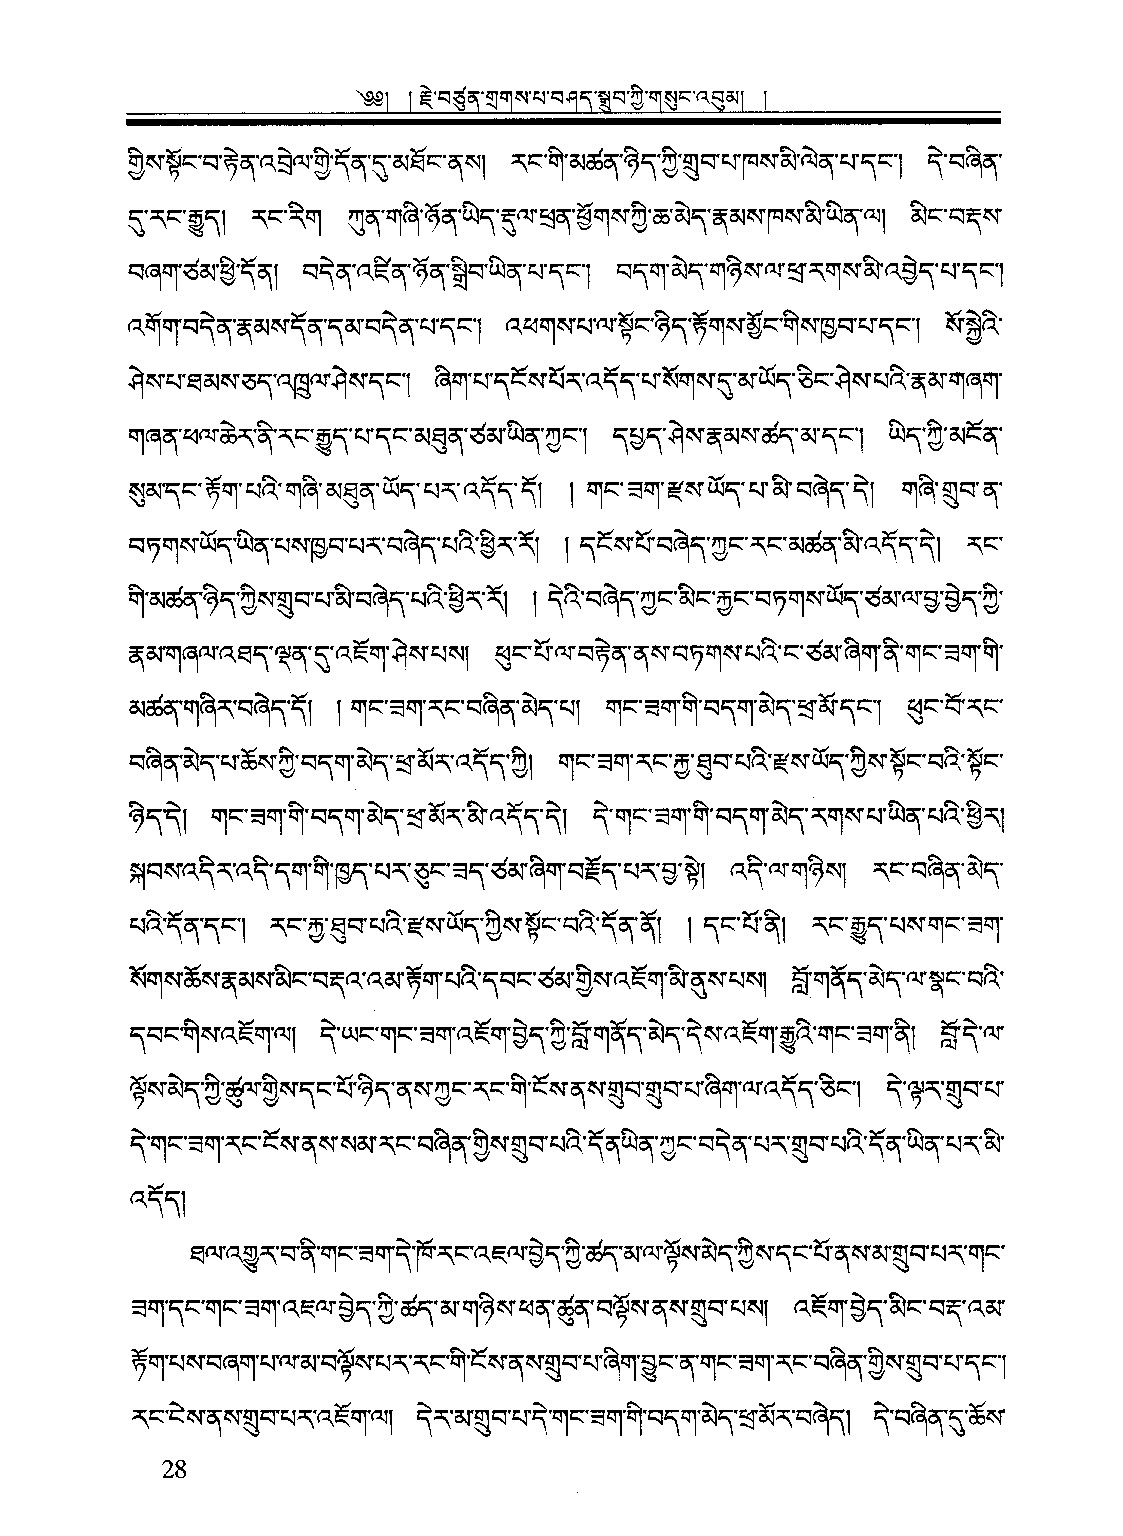གྱིས་སྟོང་བ་རྟེན་འབྲེལ་གྱི་དོན་དུ་མཐོང་ནས། རང་གི་མཚན་ཉིད་ཀྱི་གྲུབ་པ་ཁས་མི་ལེན་པ་དང་། དེ་བཞིན་
དུ་རང་རྒྱུད། རང་རིག་ཀུན་གཞི་ཉོན་ཡིད་རྡུལ་ཕྲན་ཕྱོགས་ཀྱི་ཆ་མེད་རྣམས་ཁས་མི་ཡིན་ལ། མིང་བརྡས་
བཞག་ཙམ་ཕྱི་དོན། བདེན་འཛིན་ཉོན་སྒྲིབ་ཡིན་པ་དང་། བདག་མེད་གཉིས་ལ་ཕྲ་རགས་མི་འབྱེད་པ་དང་།
འགོག་བདེན་རྣམས་དོན་དམ་བདེན་པ་དང་། འཕགས་པ་ལ་སྟོང་ཉིད་རྟོགས་མྱོང་གིས་ཁྱབ་པ་དང་། སོ་སྐྱེའི་
ཤེས་པ་ཐམས་ཅད་འཁྲུལ་ཤེས་དང་། ཞིག་པ་དངོས་པོར་འདོད་པ་སོགས་དུ་མ་ཡོད་ཅིང་ཤེས་པའི་རྣམ་གཞག་
གཞན་ཕལ་ཆེར་ནི་རང་རྒྱུད་པ་དང་མཐུན་ཙམ་ཡིན་ཀྱང་། དཔྱད་ཤེས་རྣམས་ཚད་མ་དང་། ཡིད་ཀྱི་མངོན་
སུམ་དང་རྟོག་པའི་གཞི་མཐུན་ཡོད་པར་འདོད་དོ། །གང་ཟག་རྫས་ཡོད་པ་མི་བཞེད་དེ། གཞི་གྲུབ་ན་
བཏགས་ཡོད་ཡིན་པས་ཁྱབ་པར་བཞེད་པའི་ཕྱིར་རོ། །དངོས་པོ་བཞེད་ཀྱང་རང་མཚན་མི་འདོད་དེ། རང་
གི་མཚན་ཉིད་ཀྱིས་གྲུབ་པ་མི་བཞེད་པའི་ཕྱིར་རོ། །དེའི་བཞེད་ཀྱང་མིང་རྐྱང་བཏགས་ཡོད་ཙམ་ལ་བྱ་བྱེད་ཀྱི་
རྣམ་གཞལ་འཐད་ལྡན་དུ་འཇོག་ཤེས་པས། ཕུང་པོ་ལ་བརྟེན་ནས་བཏགས་པའི་ང་ཙམ་ཞིག་ནི་གང་ཟག་གི་
མཚན་གཞིར་བཞེད་དོ། །གང་ཟག་རང་བཞིན་མེད་པ། གང་ཟག་གི་བདག་མེད་ཕྲ་མོ་དང་། ཕུང་བོ་རང་
བཞིན་མེད་པ་ཆོས་ཀྱི་བདག་མེད་ཕྲ་མོར་འདོད་ཀྱི། གང་ཟག་རང་རྐྱ་ཐུབ་པའི་རྫས་ཡོད་ཀྱིས་སྟོང་བའི་སྟོང་
ཉིད་དེ། གང་ཟག་གི་བདག་མེད་ཕྲ་མོར་མི་འདོད་དེ། དེ་གང་ཟག་གི་བདག་མེད་རགས་པ་ཡིན་པའི་ཕྱིར།
སྐབས་འདིར་འདི་དག་གི་ཁྱད་པར་ཅུང་ཟད་ཙམ་ཞིག་བརྗོད་པར་བྱ་སྟེ། འདི་ལ་གཉིས། རང་བཞིན་མེད་
པའི་དོན་དང་། རང་རྐྱ་ཐུབ་པའི་རྫས་ཡོད་ཀྱིས་སྟོང་བའི་དོན་ནོ། །དང་པོ་ནི། རང་རྒྱུད་པས་གང་ཟག་
སོགས་ཆོས་རྣམས་མིང་བརྡའ་འམ་རྟོག་པའི་དབང་ཙམ་གྱིས་འཇོག་མི་ནུས་པས། བློ་གནོད་མེད་ལ་སྣང་བའི་
དབང་གིས་འཇོག་ལ། དེ་ཡང་གང་ཟག་འཇོག་བྱེད་ཀྱི་བློ་གནོད་མེད་དེས་འཇོག་རྒྱུའི་གང་ཟག་ནི། བློ་དེ་ལ་
ལྟོས་མེད་ཀྱི་ཚུལ་གྱིས་དང་པོ་ཉིད་ནས་ཀྱང་རང་གི་ངོས་ནས་གྲུབ་གྲུབ་པ་ཞིག་ལ་འདོད་ཅིང་། དེ་ལྟར་གྲུབ་པ་
དེ་གང་ཟག་རང་ངོས་ནས་སམ་རང་བཞིན་གྱིས་གྲུབ་པའི་དོན་ཡིན་ཀྱང་བདེན་པར་གྲུབ་པའི་དོན་ཡིན་པར་མི་
འདོད།
ཐལ་འགྱུར་བ་ནི་གང་ཟག་དེ་ཁོ་རང་འཇལ་བྱེད་ཀྱི་ཚད་མ་ལ་ལྟོས་མེད་ཀྱིས་དང་པོ་ནས་མ་གྲུབ་པར་གང་
ཟག་དང་གང་ཟག་འཇལ་བྱེད་ཀྱི་ཚད་མ་གཉིས་ཕན་ཚུན་བལྟོས་ནས་གྲུབ་པས། འཇོག་བྱེད་མིང་བརྡ་འམ་
རྟོག་པས་བཞག་པ་ལ་མ་བལྟོས་པར་རང་གི་ངོས་ནས་གྲུབ་པ་ཞིག་བྱུང་ན་གང་ཟག་རང་བཞིན་གྱིས་གྲུབ་པ་དང་།
རང་ངེས་ནས་གྲུབ་པར་འཇོག་ལ། དེར་མ་གྲུབ་པ་དེ་གང་ཟག་གི་བདག་མེད་ཕྲ་མོར་བཞེད། དེ་བཞིན་དུ་ཆོས་